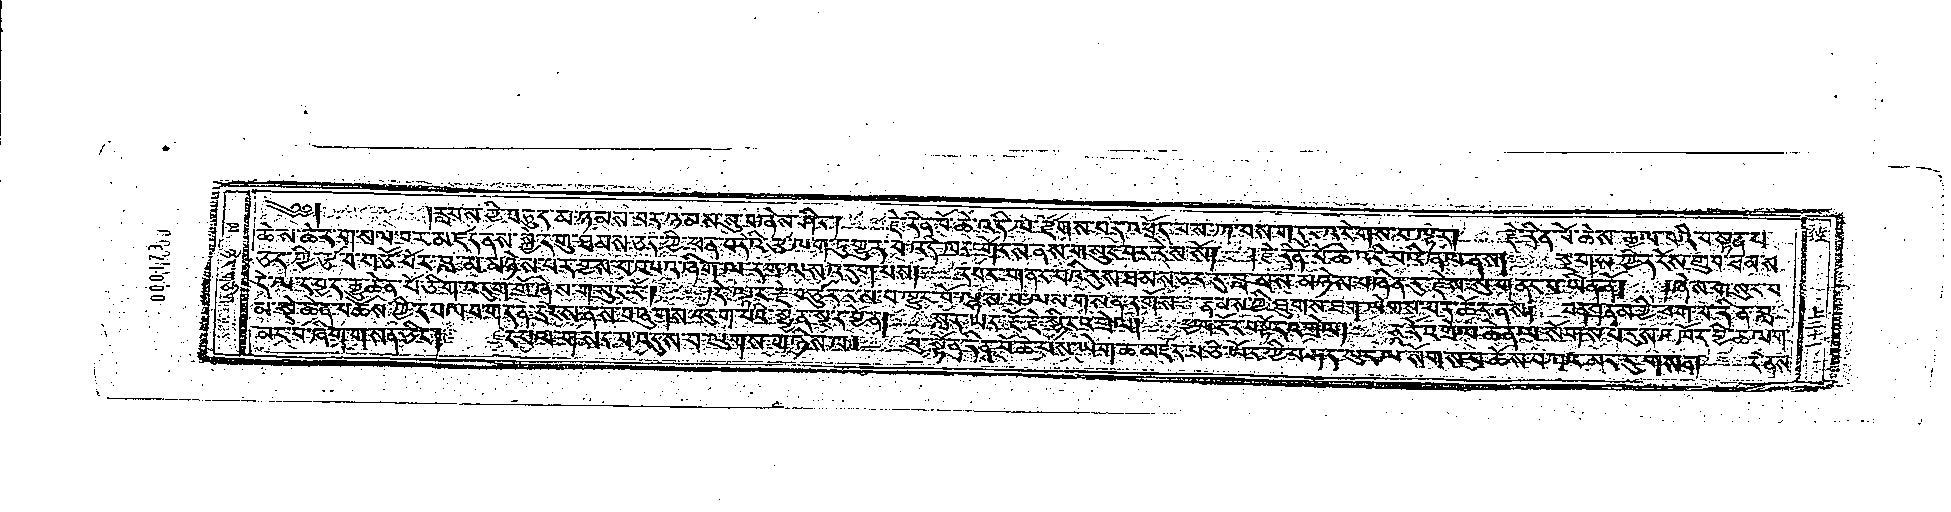༄༅། །རླབས་ཀྱི་བཅུད་མ་ཉམས་པར་ཉམས་སུ་བཞེས་ཤིང་། རྗེ་རིན་པོ་ཆེ་འདི་ལ་རྫོགས་པར་འཕྲོད་པས་ཀ་བས་གདུང་འདེགས་པ་ལྟར། རྗེ་རིན་པོ་ཆེས་རྒྱལ་བའི་བསྟན་པ་
ཆེས་ཆེར་གསལ་བར་མཛད་ནས་སྐྱེ་དགུ་ཐམས་ཅད་ཀྱི་ཕན་བདེའི་རྩ་ལག་ཏུ་གྱུར་པ་འདི་ལར་དགོངས་ནས་གསུང་བར་དེས་སོ། །རྗེ་རིན་པོ་ཆེ་འདི་པའི་ཞལ་ནས། སྔགས་ཀྱི་དངོས་གྲུབ་ཐམས་
ཅད་ཀྱི་རྩ་བ་གཙོ་བོར་བླ་མ་མཉེས་པར་བྱས་པ་འབའ་ཞིག་ལ་རག་ལས་འདུག་པས། དབང་གནང་བའི་དུས་ཐམས་ཅད་དུ་བླ་མས་མཉེས་བཞིན་དུ་རྗེས་སུ་གནང་བ་ཡིན་ནོ། །ཞེས་གསུང་བ་
དེ་ལ་དཔྱད་རྒྱུ་ཆེན་པོ་ཅིག་འདུག་གོ་ཞེས་གསུང་ངོ། །དེ་ལྟར་རྗེ་བཙུར་ད་མ་པ་ཁྱུང་པོ་ལྷས་པ་ལས་གསན་དགོས་རྣམས་ཀྱི་ཐུགས་ཐག་ལེགས་བར་ཆོད་ནས། བྣག་ནམ་གྱི་ཕག་བ་རིན་བླ་
མ་སྡེ་ཆེན་པ་ཆོས་ཀྱི་དཔལ་བ་གདན་དྲངས་ནས་བཞུགས་འདུག་བའི་སྤྱན་སྔ་ར་བྱོ་ན། སླར་ཡང་རྡོ་རྗེ་སྙིང་འགྲེལ། ཕྱག་རྡོར་བསྟོད་འགྲེལ། ནཱ་རོ་འགྲེལ་ཆེན་ལ་སོགས་པ་དུས་འཁོར་བྱི་ཆ་ལག་
མང་པོ་ཞིག་གསན་ཅིང་།དཔལ་གསང་བ་འདུས་པ་ལུགས་གཉིས་ལ། བུ་སྟོན་རིན་པོ་ཆེ་པས་ཡིག་ཆ་མཛད་པ་ཅི་ཡོད་ཀྱི་བཤད་ལུང་ལ་སོགས་པ་ཆོས་བཀའ་མང་དུ་གསན། དེ་ནས་